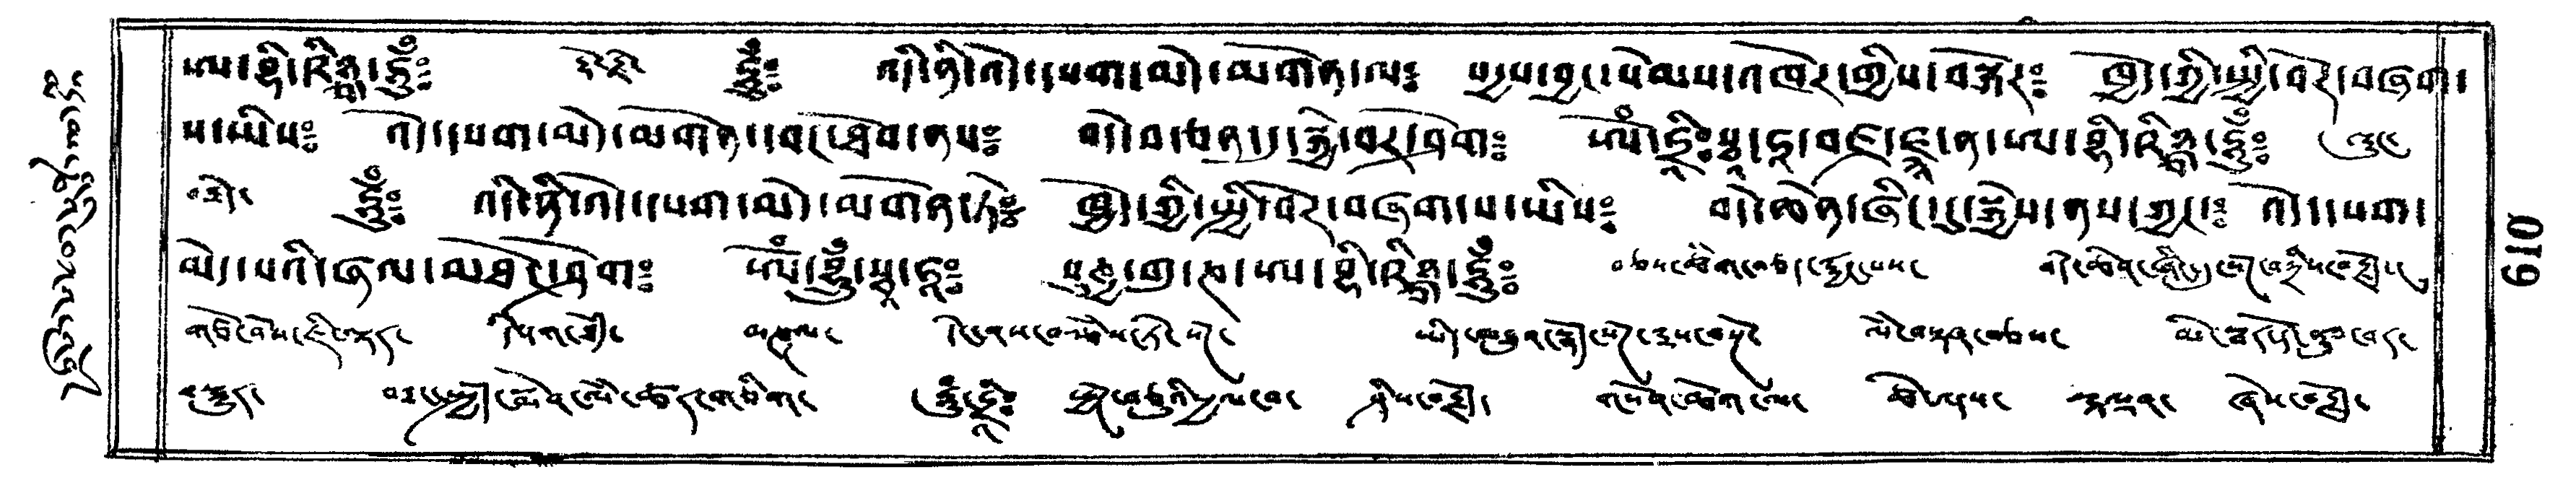ཨ་བྷི་རིཉྩ་ཧཱུྃ༔ རྡོ་རྗེ། ཧཱུྃ༔ འདི་ནི་འོད་དཔག་མེད་མགོན་ལ༔ སངས་རྒྱས་བྱང་སེམས་འཁོར་གྱིས་བསྐོར༔ ཁྱོད་ཀྱི་སྤྱི་བོར་བཞག་
པ་ཡིས༔ འོད་དཔག་མེད་མགོན་དབང་ཐོབ་ནས༔ བདེ་བ་ཅན་དུ་སྐྱེ་བར་ཤོག༔ ཨོཾ་ཧྲཱིཿསྭ་ཧཱ་བཛྲ་ཛྙཱ་ན་ཨ་བྷི་རིཉྩ་ཧཱུྃ༔ ལྷུང་
བཟེད། ཧཱུྃ༔ འདི་ནི་འོད་དཔག་མེད་མགོན་ཏེ༔ ཁྱོད་ཀྱི་སྤྱི་བོར་བཞག་པ་ཡིས༔བདེ་ཆེན་ཞིང་དུ་སྐྱེས་ནས་ཀྱང༔ འོད་དཔག་
མེད་པའི་ཞལ་མཐོང་ཤོག༔ ཨོཾ་བྷྲུྃ་སྭ་ཧཱ༔ པུཎྱེ་གུ་ཎ་ཨ་བྷི་རིཉྩ་ཧཱུྃ༔ བཅས་ཚིགས་བཅད་རྐྱང་པས། བདེ་ཆེན་ཞིང་དུ༴ སོགས་བཀྲ་ཤིས་བརྗོད། 
གཙོ་བོས་ཇི་ལྟར༴ དེ་དག་ཐམས་ཅད༴ མཎྜལ། དེང་ནས་བརྩམས་ཏེ༴ སོགས། ཡིད་མཐུན་སྣོད༴ སོགས་ཟས་བསྔོ། ལམ་བསྟན་བཅས། མེ་སྦར་དོ་ནུབ་བར་
བསྐྱུར། བཟང་སྤྱོད་སྨོན་ལམ་ཚར་གཅིག ཧཱུྃ་ཧྲཱིཿ ཕྱོགས་བཅུའི་རྒྱལ་བ༴ ཤིས་བརྗོད། གསོན་ཆོག་ལ། ཚེ་འདས་ལ། སྐལ་ལྡན༴ ཞེས་བརྗོད།